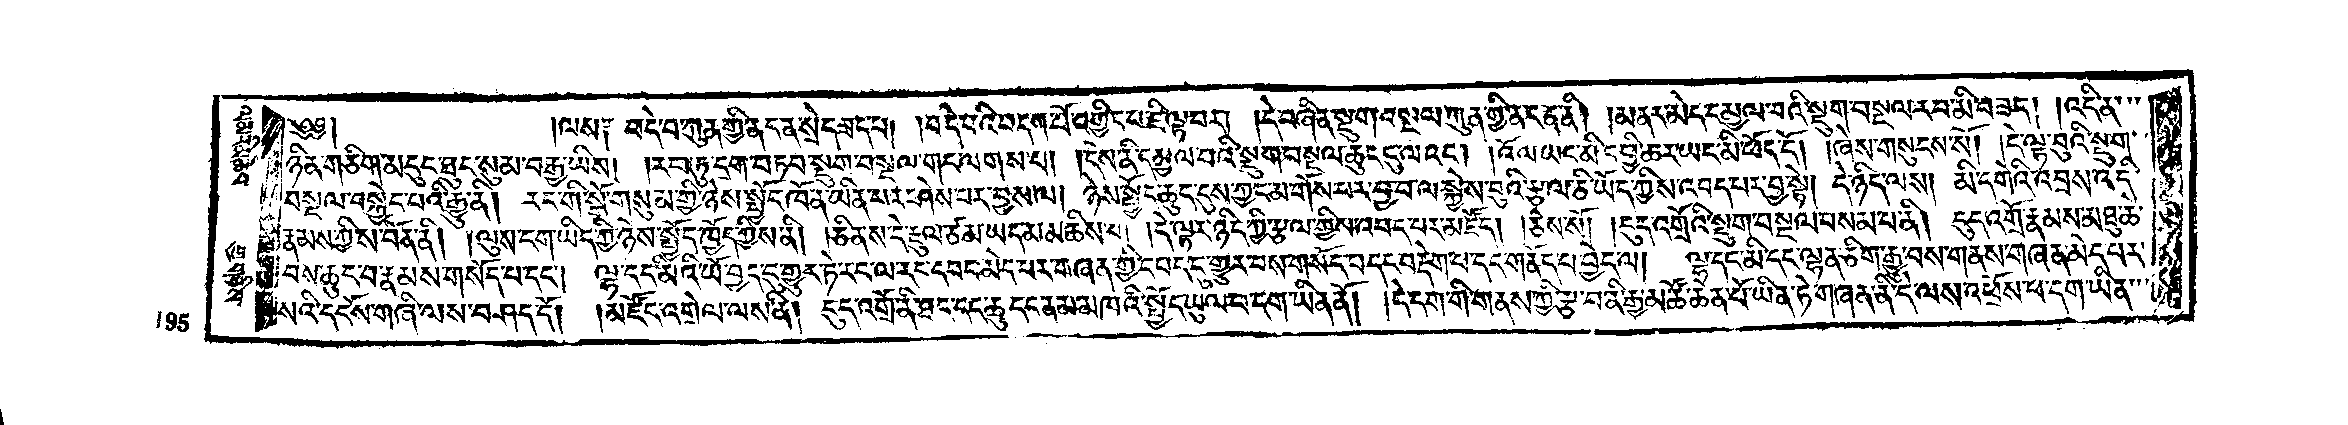༄༅། །ལས༑ བདེ་བ་ཀུན་གྱི་ནང་ན་སྲེད་ཟད་པ། །བདེ་བའི་བདག་པོ་བགྱིང་པ་ཇི་ལྟ་བར། །དེ་བཞིན་སྡུག་བསྔལ་ཀུན་གྱི་ནང་ན་ནི། །མནར་མེད་དམྱལ་བའི་སྡུག་བསྔལ་རབ་མི་བཟད། །འདི་ན་
ཉིན་གཅིག་མདུང་ཐུང་སུམ་བརྒྱ་ཡིས། །རབ་ཏུ་དྲག་བཏབ་སྡུག་བསྔལ་གང་ལགས་པ། །དེས་ནི་དམྱལ་བའི་སྡུག་བསྔལ་ཆུང་ངུ་ལའང་། །འོལ་ཡང་མི་དབྱི་ཆར་ཡང་མི་ཕོད་དོ། །ཞེས་གསུངས་སོ། །དེ་ལྟ་བུའི་སྡུག་
བསྔལ་བསྐྱེད་པའི་རྒྱུ་ནི། རང་གི་སྒོ་གསུམ་གྱི་ཉེས་སྤྱོད་ཁོ་ན་ཡིན་པར་ཤེས་པར་བྱས་ལ། ཉེས་སྤྱོད་ཆུང་ངུས་ཀྱང་མ་གོས་པར་བྱ་བ་ལ་སྐྱེས་བུའི་རྩལ་ཅི་ཡོད་ཀྱིས་འབད་པར་བྱ་སྟེ། དེ་ཉིད་ལས། མི་དགེའི་འབྲས་འདི་
རྣམས་ཀྱི་ས་བོན་ནི། །ལུས་ངག་ཡིད་ཀྱི་ཉེས་སྤྱོད་ཁྱོད་ཀྱིས་ནི། །ཅི་ནས་དེ་རྡུལ་ཙམ་ཡང་མ་མཆིས་པ། །དེ་ལྟར་ཉིད་ཀྱི་རྩལ་གྱིས་འབད་པར་མཛོད། །ཅེས་སོ། །དུད་འགྲོའི་སྡུག་བསྔལ་བསམ་པ་ནི། དུད་འགྲོ་རྣམས་མཐུ་ཆེ་
བས་ཆུང་བ་རྣམས་གསོད་པ་དང་། ལྷ་དང་མིའི་ཡོ་བྱད་དུ་གྱུར་ཏེ་རང་ལ་རང་དབང་མེད་པར་གཞན་གྱི་དབང་དུ་གྱུར་པས་གསོད་པ་དང་བརྡེག་པ་དང་གནོད་པ་བྱེད་ལ། ལྷ་དང་མི་དང་ལྷན་ཅིག་རྒྱུ་བས་གནས་གཞན་མེད་པར་
སའི་དངོས་གཞི་ལས་བཤད་དོ། །མཛོད་འགྲེལ་ལས་ནི། དུད་འགྲོ་ནི་ཐང་དང་ཆུ་དང་ནམ་མཁའི་སྤྱོད་ཡུལ་བ་དག་ཡིན་ནོ། །དེ་དག་གི་གནས་ཀྱི་རྩ་བ་ནི་རྒྱ་མཚོ་ཆེན་པོ་ཡིན་ཏེ་གཞན་ནི་དེ་ལས་འཕྲོས་པ་དག་ཡིན་